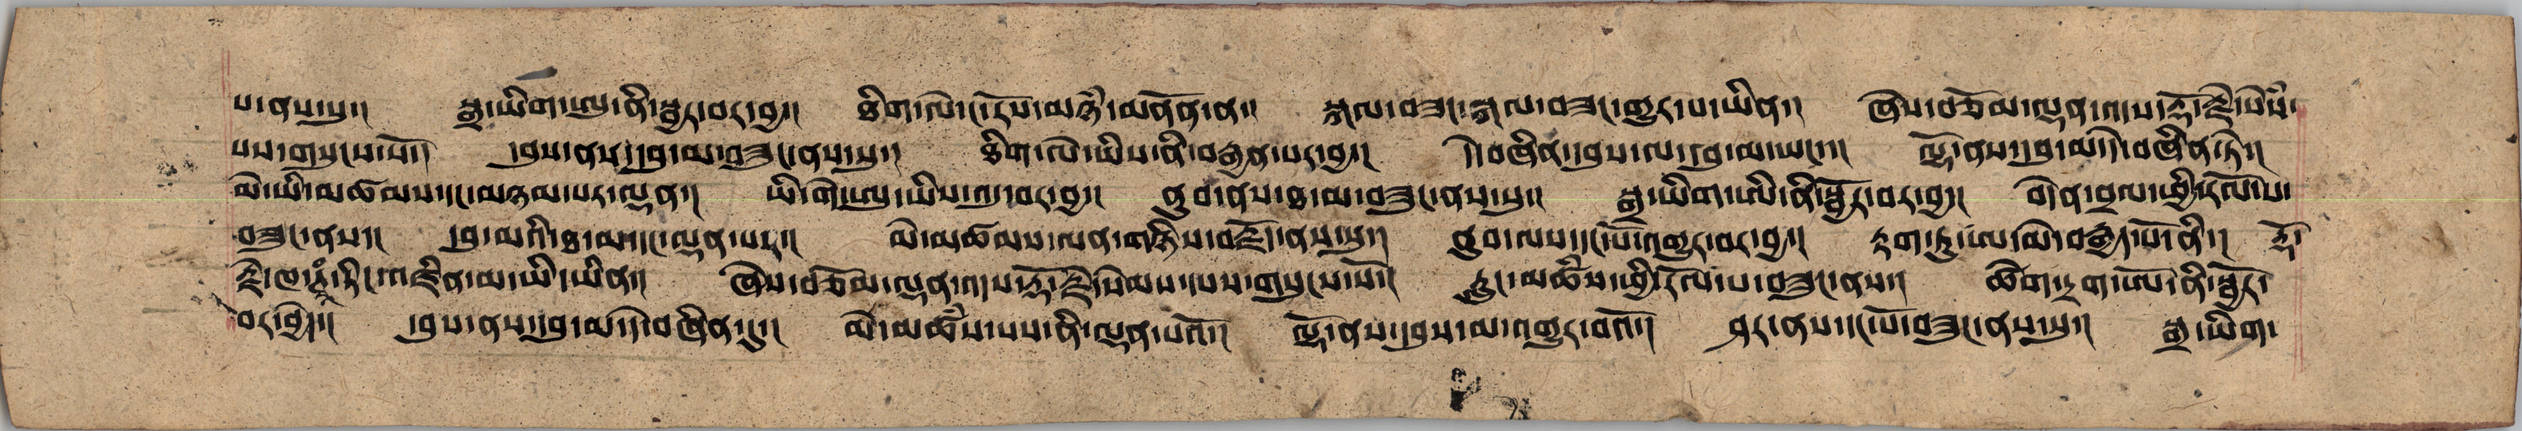པ་ནས་སུ་། སྒྲ་ཡིག་ཨུ་ནི་སྦྱར་བར་བྱ་། ཐིག་ལེ་ང་རོས་མཉཾ་མནོན་ན་། སྐལ་བཟང་སྐལ་བཟང་གྱུར་པ་ཡིན་། ཞེས་བཅོམ་ལྡན་འདས་རྡོ་རྗེ་སེཾས་
པས་གསུངས་སོ་། དབུས་ནས་དབུ་མ་བཟུང་ནས་སུ་། ཐིག་ལེ་ཡིས་ནི་བརྒྱན་པར་བྱ་། དེ་བཞིན་དབུས་ལ་དབུ་མ་ཡང་་། ལྷོ་ནས་དབུ་མ་དེ་བཞིན་ཏེ་།
མེ་ཡི་མཚམས་དང་མཉམ་པར་ལྡན་། ཡི་གེ་ཨུ་ཡིས་འདུ་བར་བྱ་། ནུབ་ནས་ཐ་མ་བཟུང་ནས་སུ་། སྒྲ་ཡིག་ཨི་ནི་སྦྱོར་བར་བྱ་། བདེན་བྲལ་ཕྱི་རོལ་པ་
བཟུང་ནས་། དབུ་མའི་ཐ་མ་དང་ལྡན་པར་། མེ་མཚམས་ལན་གཉིས་བརྗོད་ནས་སུ་། ནུབ་ལས་དང་པོ་འགྱུར་བར་བྱ་། རྟག་ཏུ་ཨ་མེ་བརྒྱད་པོ་ནི་། རྡོ་
རྗེ་ཁ་ཊྭཱཾ་ཏིང་འཛིན་མ་ཡི་ཡིན་། ཞེས་བཅོམ་ལྡན་འདས་རྡོ་རྗེ་སེམས་དཔས་གསུངས་སོ་། རླུང་མཚཾས་ཕྱི་རོལ་པ་བཟུང་ནས་། ཚེག་དྲག་ཨོ་ནི་སྦྱོར་
བར་བྱེད་། དབུས་ནས་དབུ་མ་དེ་བཞིན་དུ་། མེ་མཚཾས་པས་ནི་ལྡན་པའོ་། ལྷོ་ནས་དབུས་མ་འགྱུར་བའོ་། ཤར་ནས་དང་པོ་བཟུང་ནས་སུ་། སྒྲ་ཡིག་